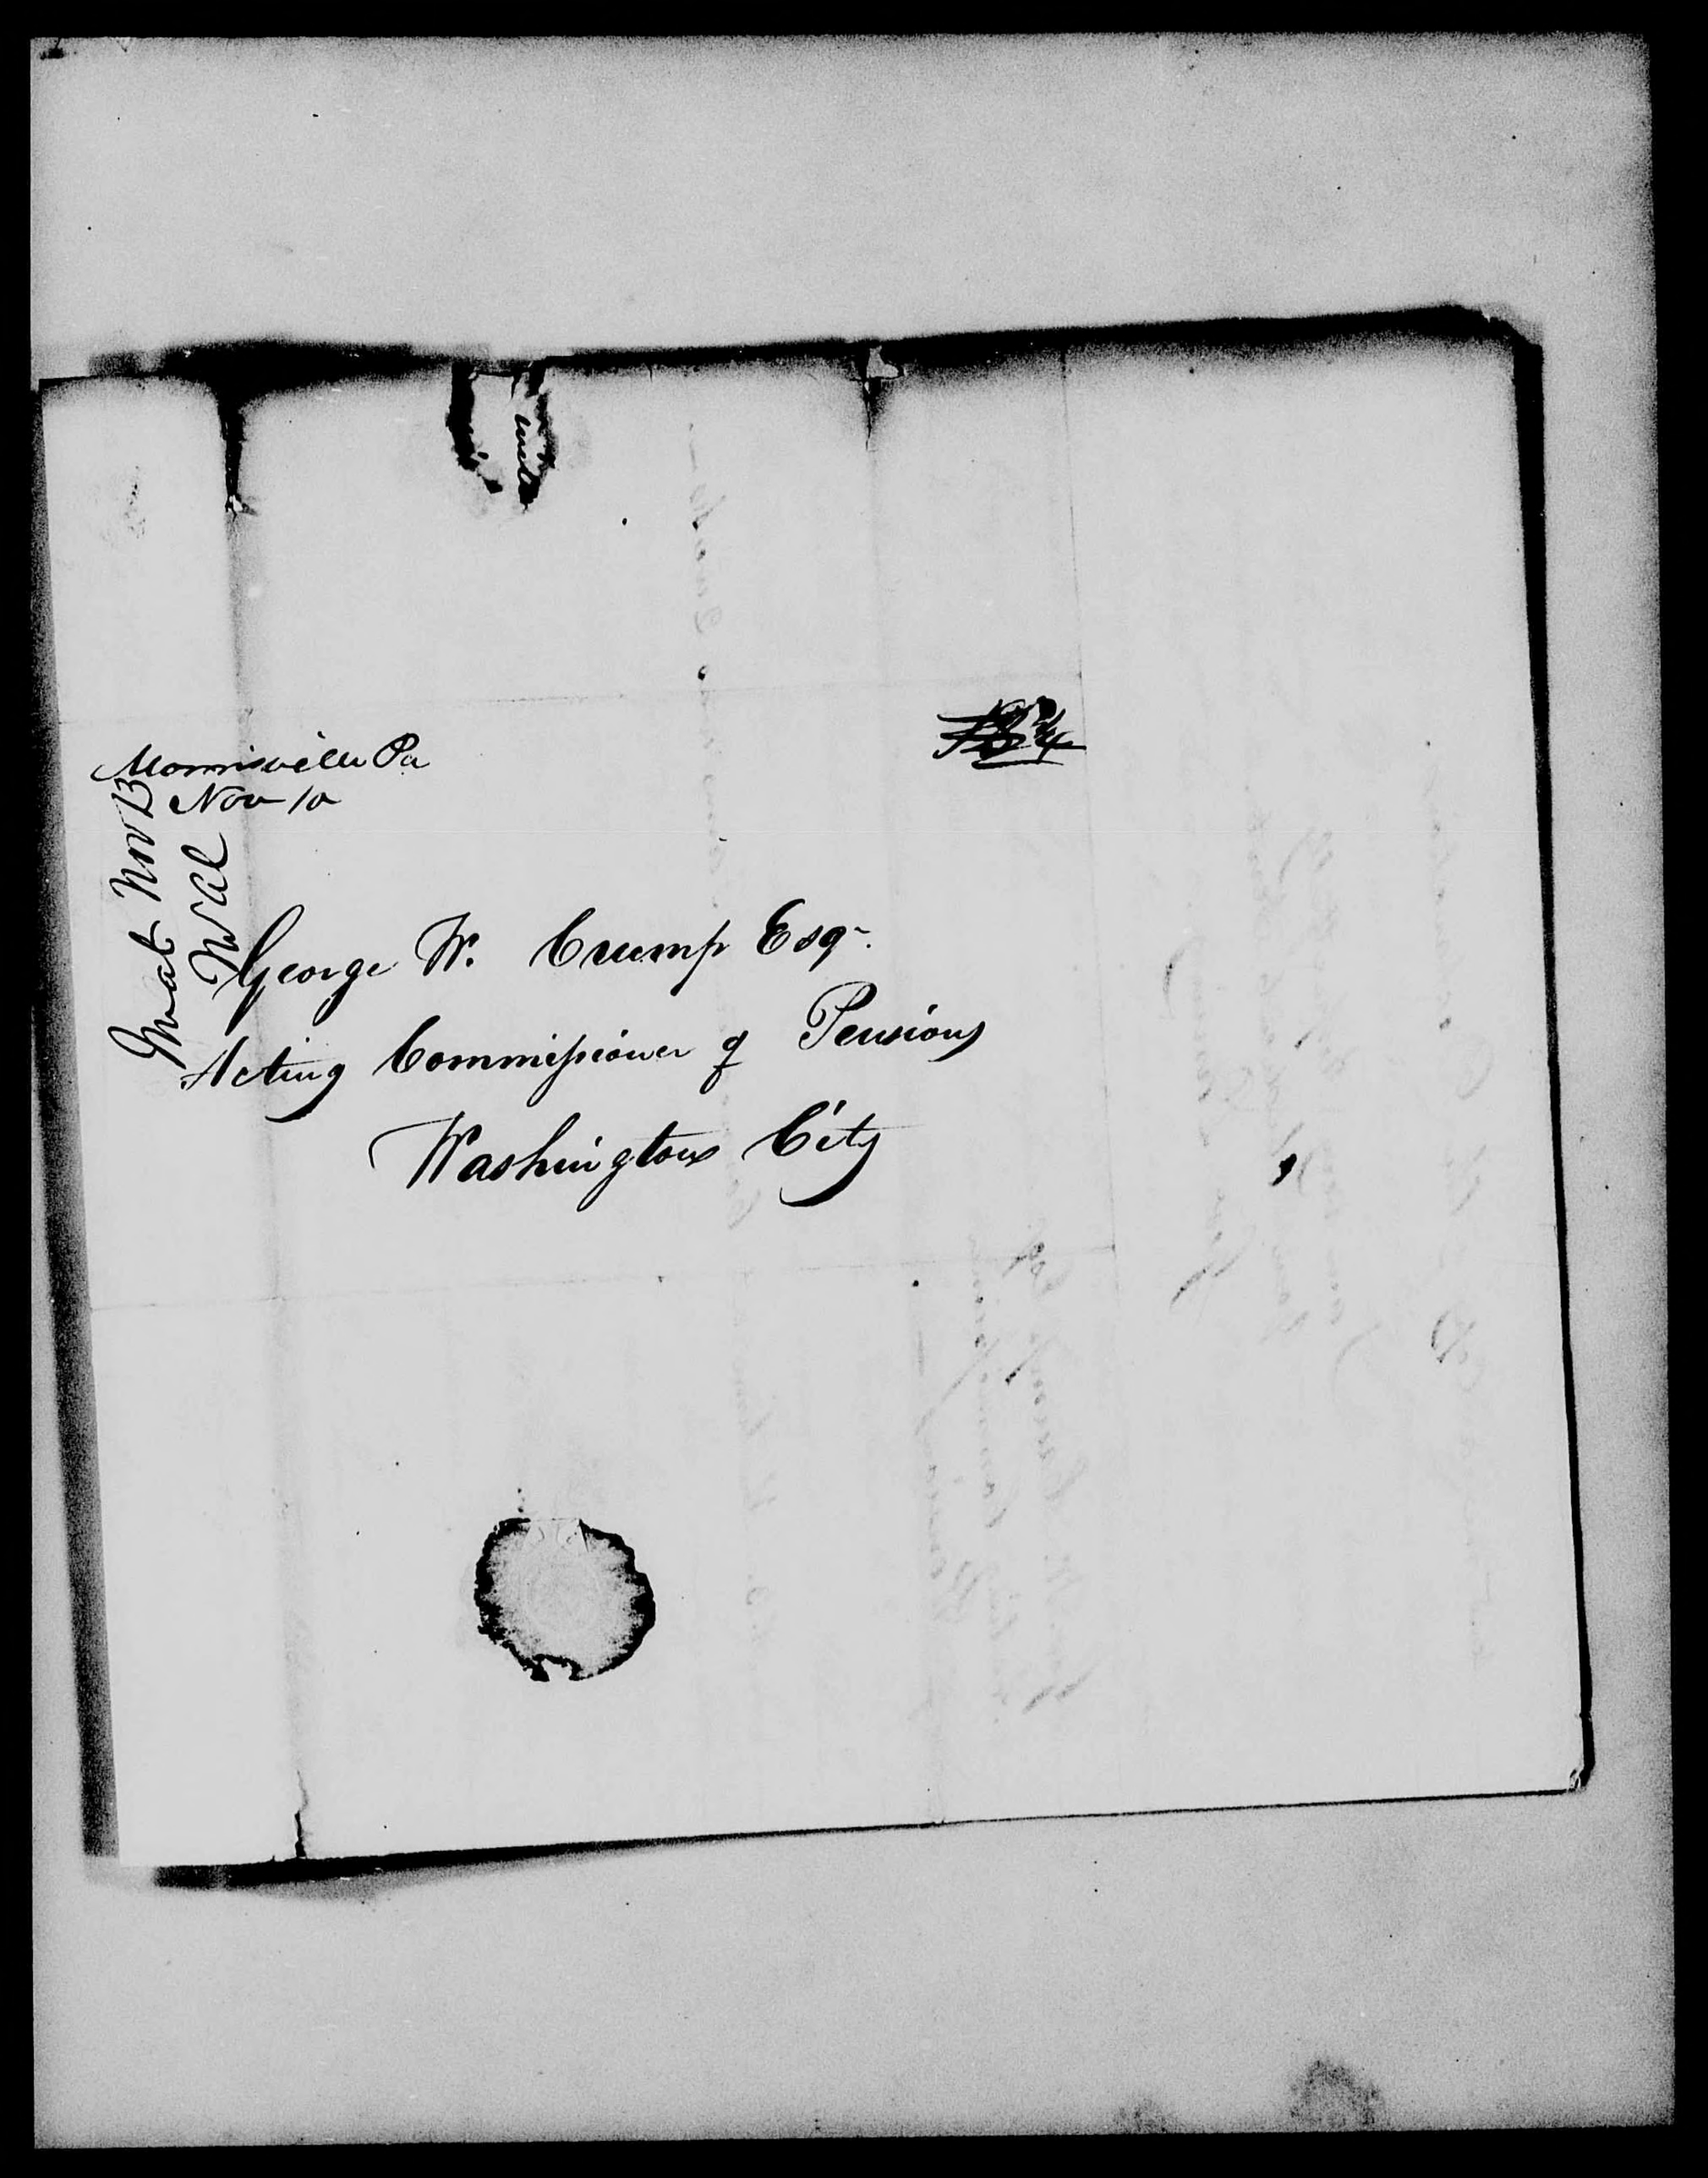Mat Nov 13

Morrisville Pa.
Nov 10
George W. Crump Esqr.
Acting Commissioner of Pensions
Washington City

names: George W Crump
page: 2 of 39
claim: rejected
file: R. 6154, for James Laning, New Jersey